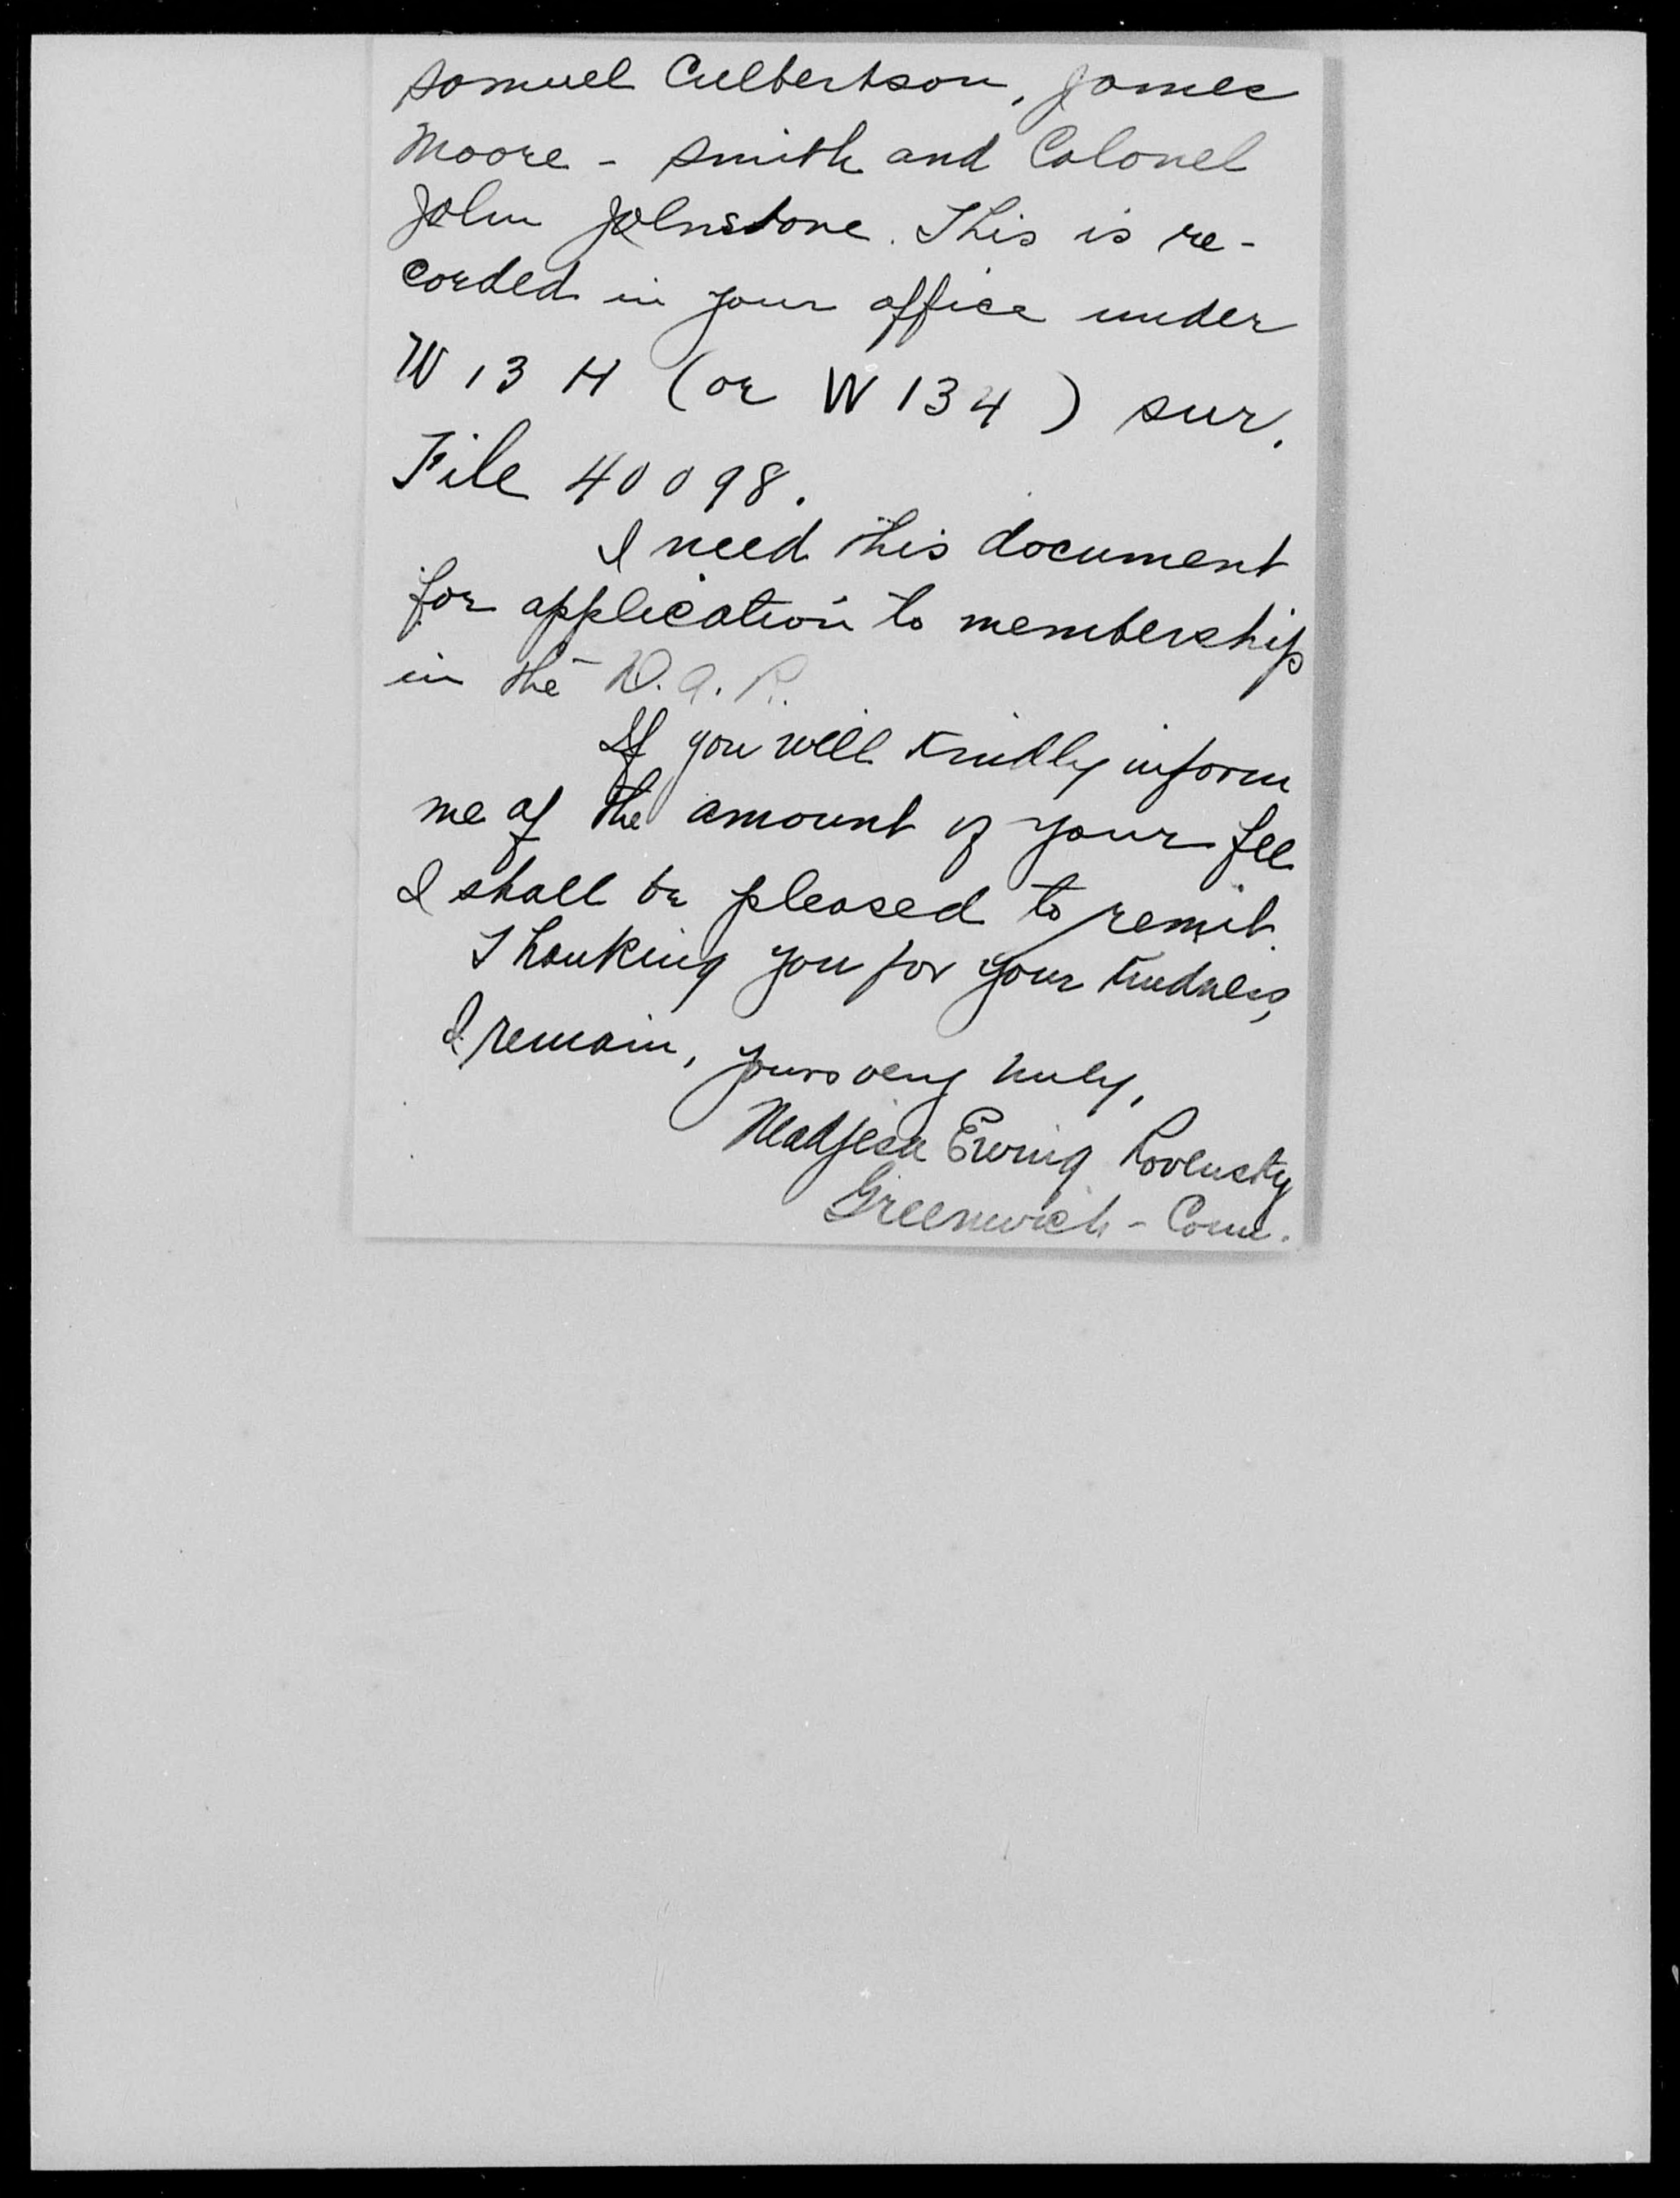Samuel Culbertson, James Moore - Smith and Colonel John Johnstone.  This is recorded in your office under W 13 H (or W 134) sur. File 40098.
I need this document for application to membership in the D.A.R.
If you will kindly inform me of the amount of your fee I shall be pleased to remit.
Thanking you for your kindness, I remain, 
Yours very truly,
Madjesa Ewing Rovlusky
Greenwich - Conn.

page: 18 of 21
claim: survivor's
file: S. 40,098, for John Lorain, Pennsylvania